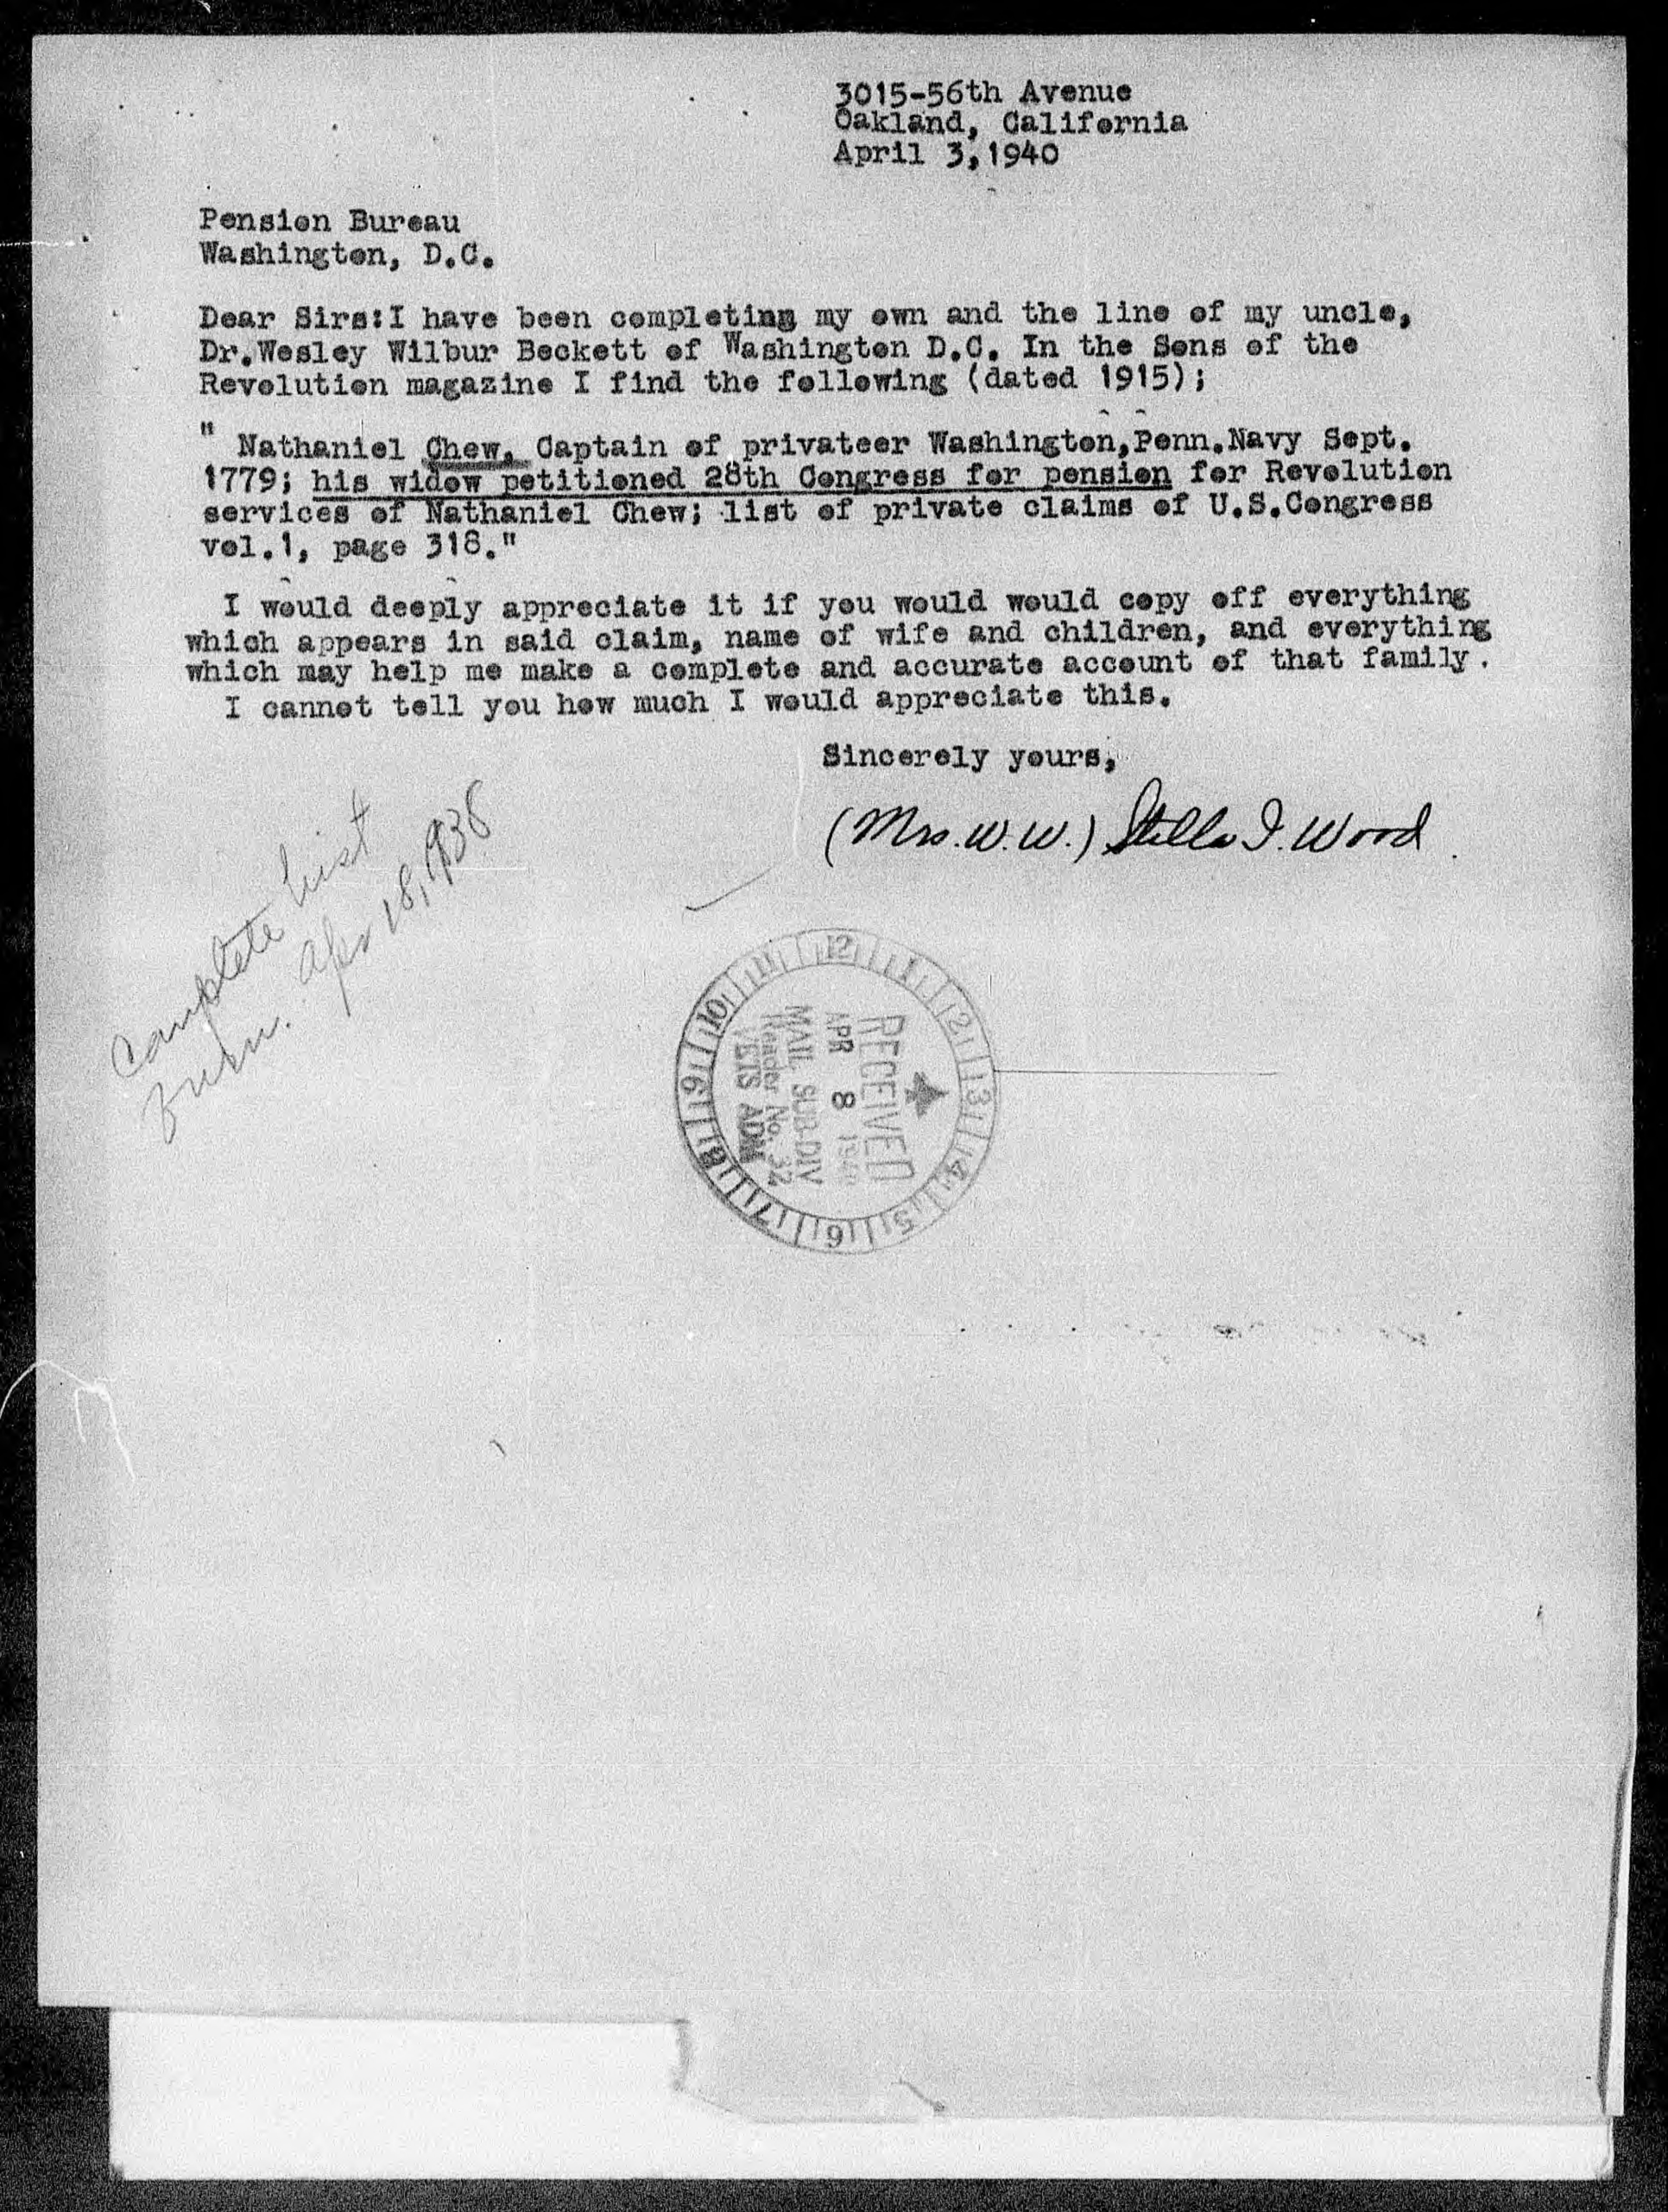3015-56th Avenue
Oakland, California
April 3, 1940

Pension Bureau
Washington, D.C.

Dear Sirs:  I have been completing my own and the line of my uncle,
Dr. Wesley Wilbur Beckett of Washington D.C.  In the Sons of the
Revolution magazine I find the following (dated 1915);

"Nathaniel Chew, Captain of privateer Washington,Penn.Navy Sept.
1779; [begin underline ]his widow petitioned 28th Congress for pension [end underline] for Revolution
services of Nathaniel Chew; list of private claims of U.S. Congress
vol. 1, page 318."

I would deeply appreciate if if you would would copy off everything
which appears in said claim, name of wife and children, and everything
which may help me make a complete and accurate account of that family.

I cannot tell you how much I would appreciate this.

Sincerely yours,

(Mrs. W.W.) Stella I. Wood

[Note in left margin:]
Complete list
furn. Apri 18, 1938

[Circular time and date stamp]
Arrow pointing to 3
RECEIVED
APR 8 1840
MAIL SUB-DIV
Reader Mo. 32
VETS ADM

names: Nathaniel Chew, W W Stills, Wesley Wilbur Beckett, J Wood, Nathaniel Chew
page: 37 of 59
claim: widow's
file: W. 9383, Nathaniel Chew, Navy (Md.)